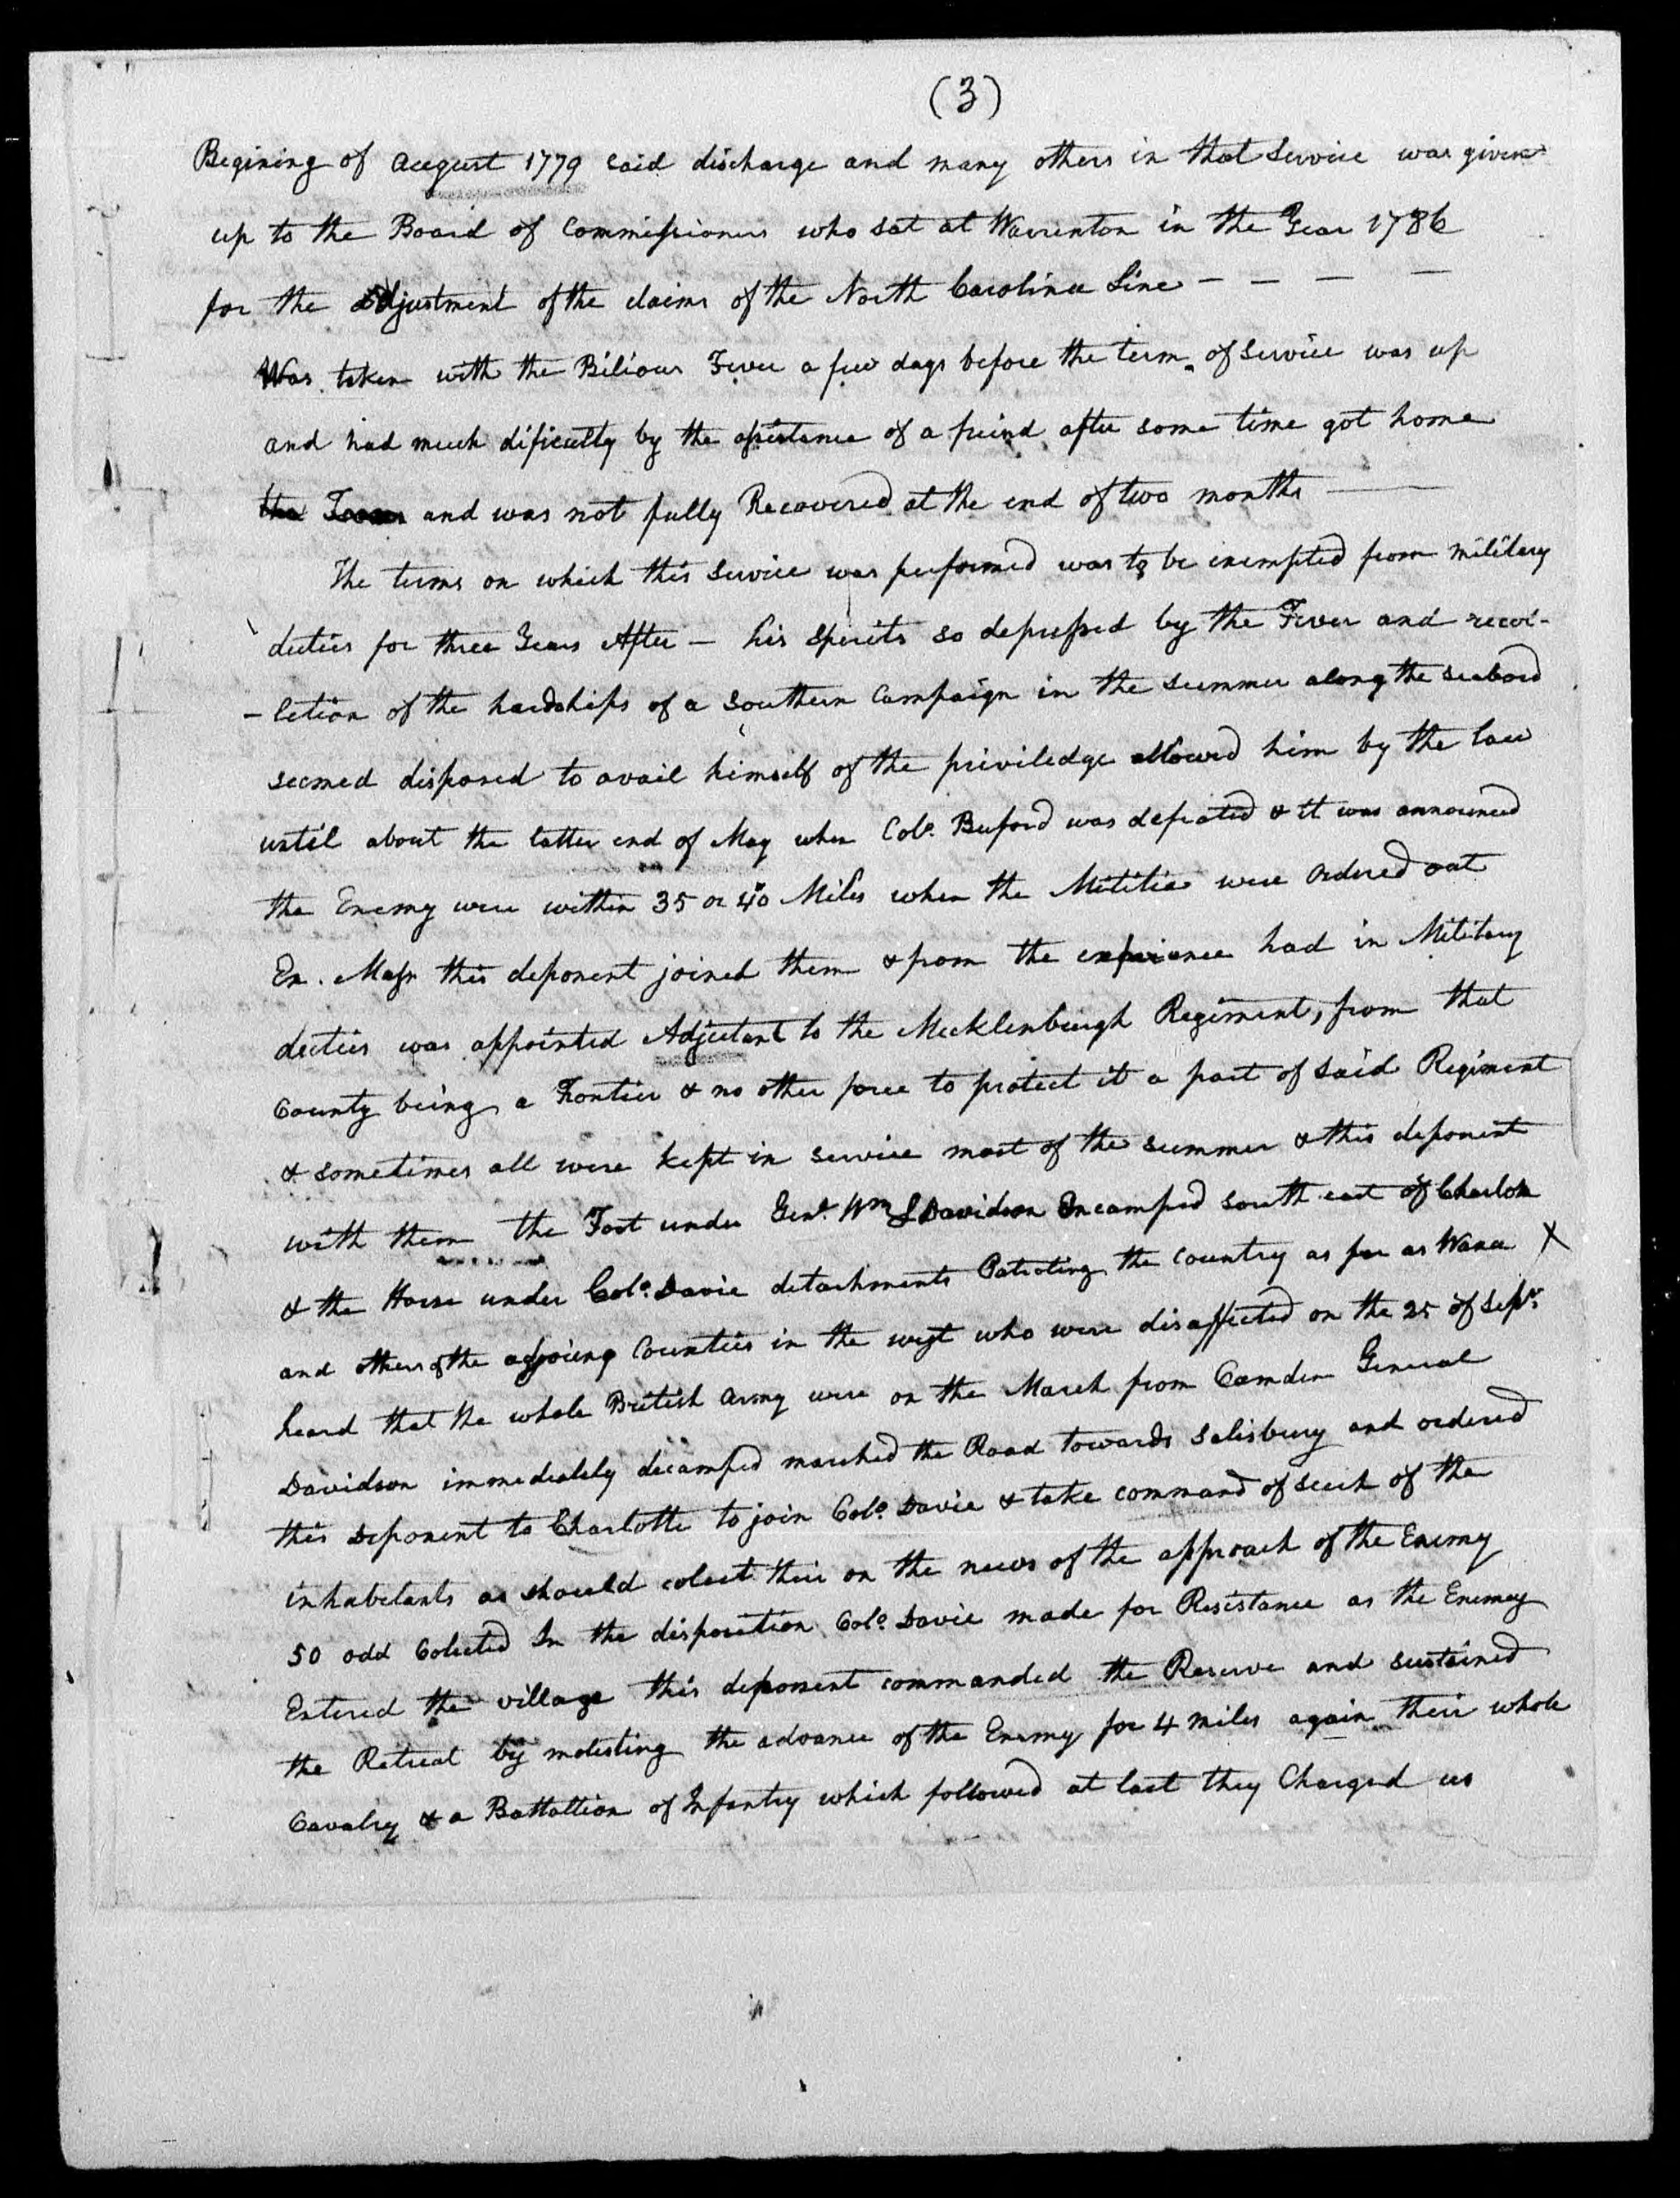(3)
Beginning of August 1779 said discharge and many others in that servcie was given up to the Board of Commissions who sat at Warrenton in the year 1786 for the adjustment of the claims of the North Carolina Line - ---------------------
Was taken with the Bilious Fever a few days before the term of service was up and had much difficulty by the assitance of a friend after some time got home and was not fully  Recovered at the end of two months -----------
The terms on which this servcie was performed was to be exempted from Military duties for three years. After - his spirits so depressed by the  fever and recollection of the hardships of a Southern Campaign in the summer along the seaboard seemed disposed to avaail himself of the priviledge allowed him by the law until about athe latter end of May when col. Buford was defeated & it was announced the Enemy were within 35 or 40 miles when the Militia were ordered out En. Majr. this deponent joined them & from teh experiense had in military duties was appointed Adjutant to the Mecklenburgh Regiment from that County being a Frontier & no other force to protect it a part of said Regiment & sometimes all were kept in servcie most of the summer & this deponent with them the Foot under Gen'l Wm. L. Davidson encamped  Southeast of Charleston & the Horse under Col Davie detachments Patroling the country as far as Ward X and others of the adjoining counties in the reg't who were disaffected on the 25 of Sept. heard that the whole British Army were on the march from Camden General Davidson immediately decamped marched the Road towards Salisbury and ordered this deponent to Charlotte to join Col. Davie & take command of such of the inhabitants as should  collet there on the new of the approach of the Enemy. 50 odd collected in the disposition Col. Davie made for  Resistance as the Enemy entered the village this deponent commanded the Reserve and sustained the  Retreat by molesting the advance of the Enemy for 4 miles again their whole Cavalry & a Battalion of Infantry which followed at last they charged us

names: Davidson, Davie, Buford, Davie, Davie, Wm L Davidson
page: 13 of 55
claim: survivor's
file: S. 6,937, Joseph Graham, N.C.